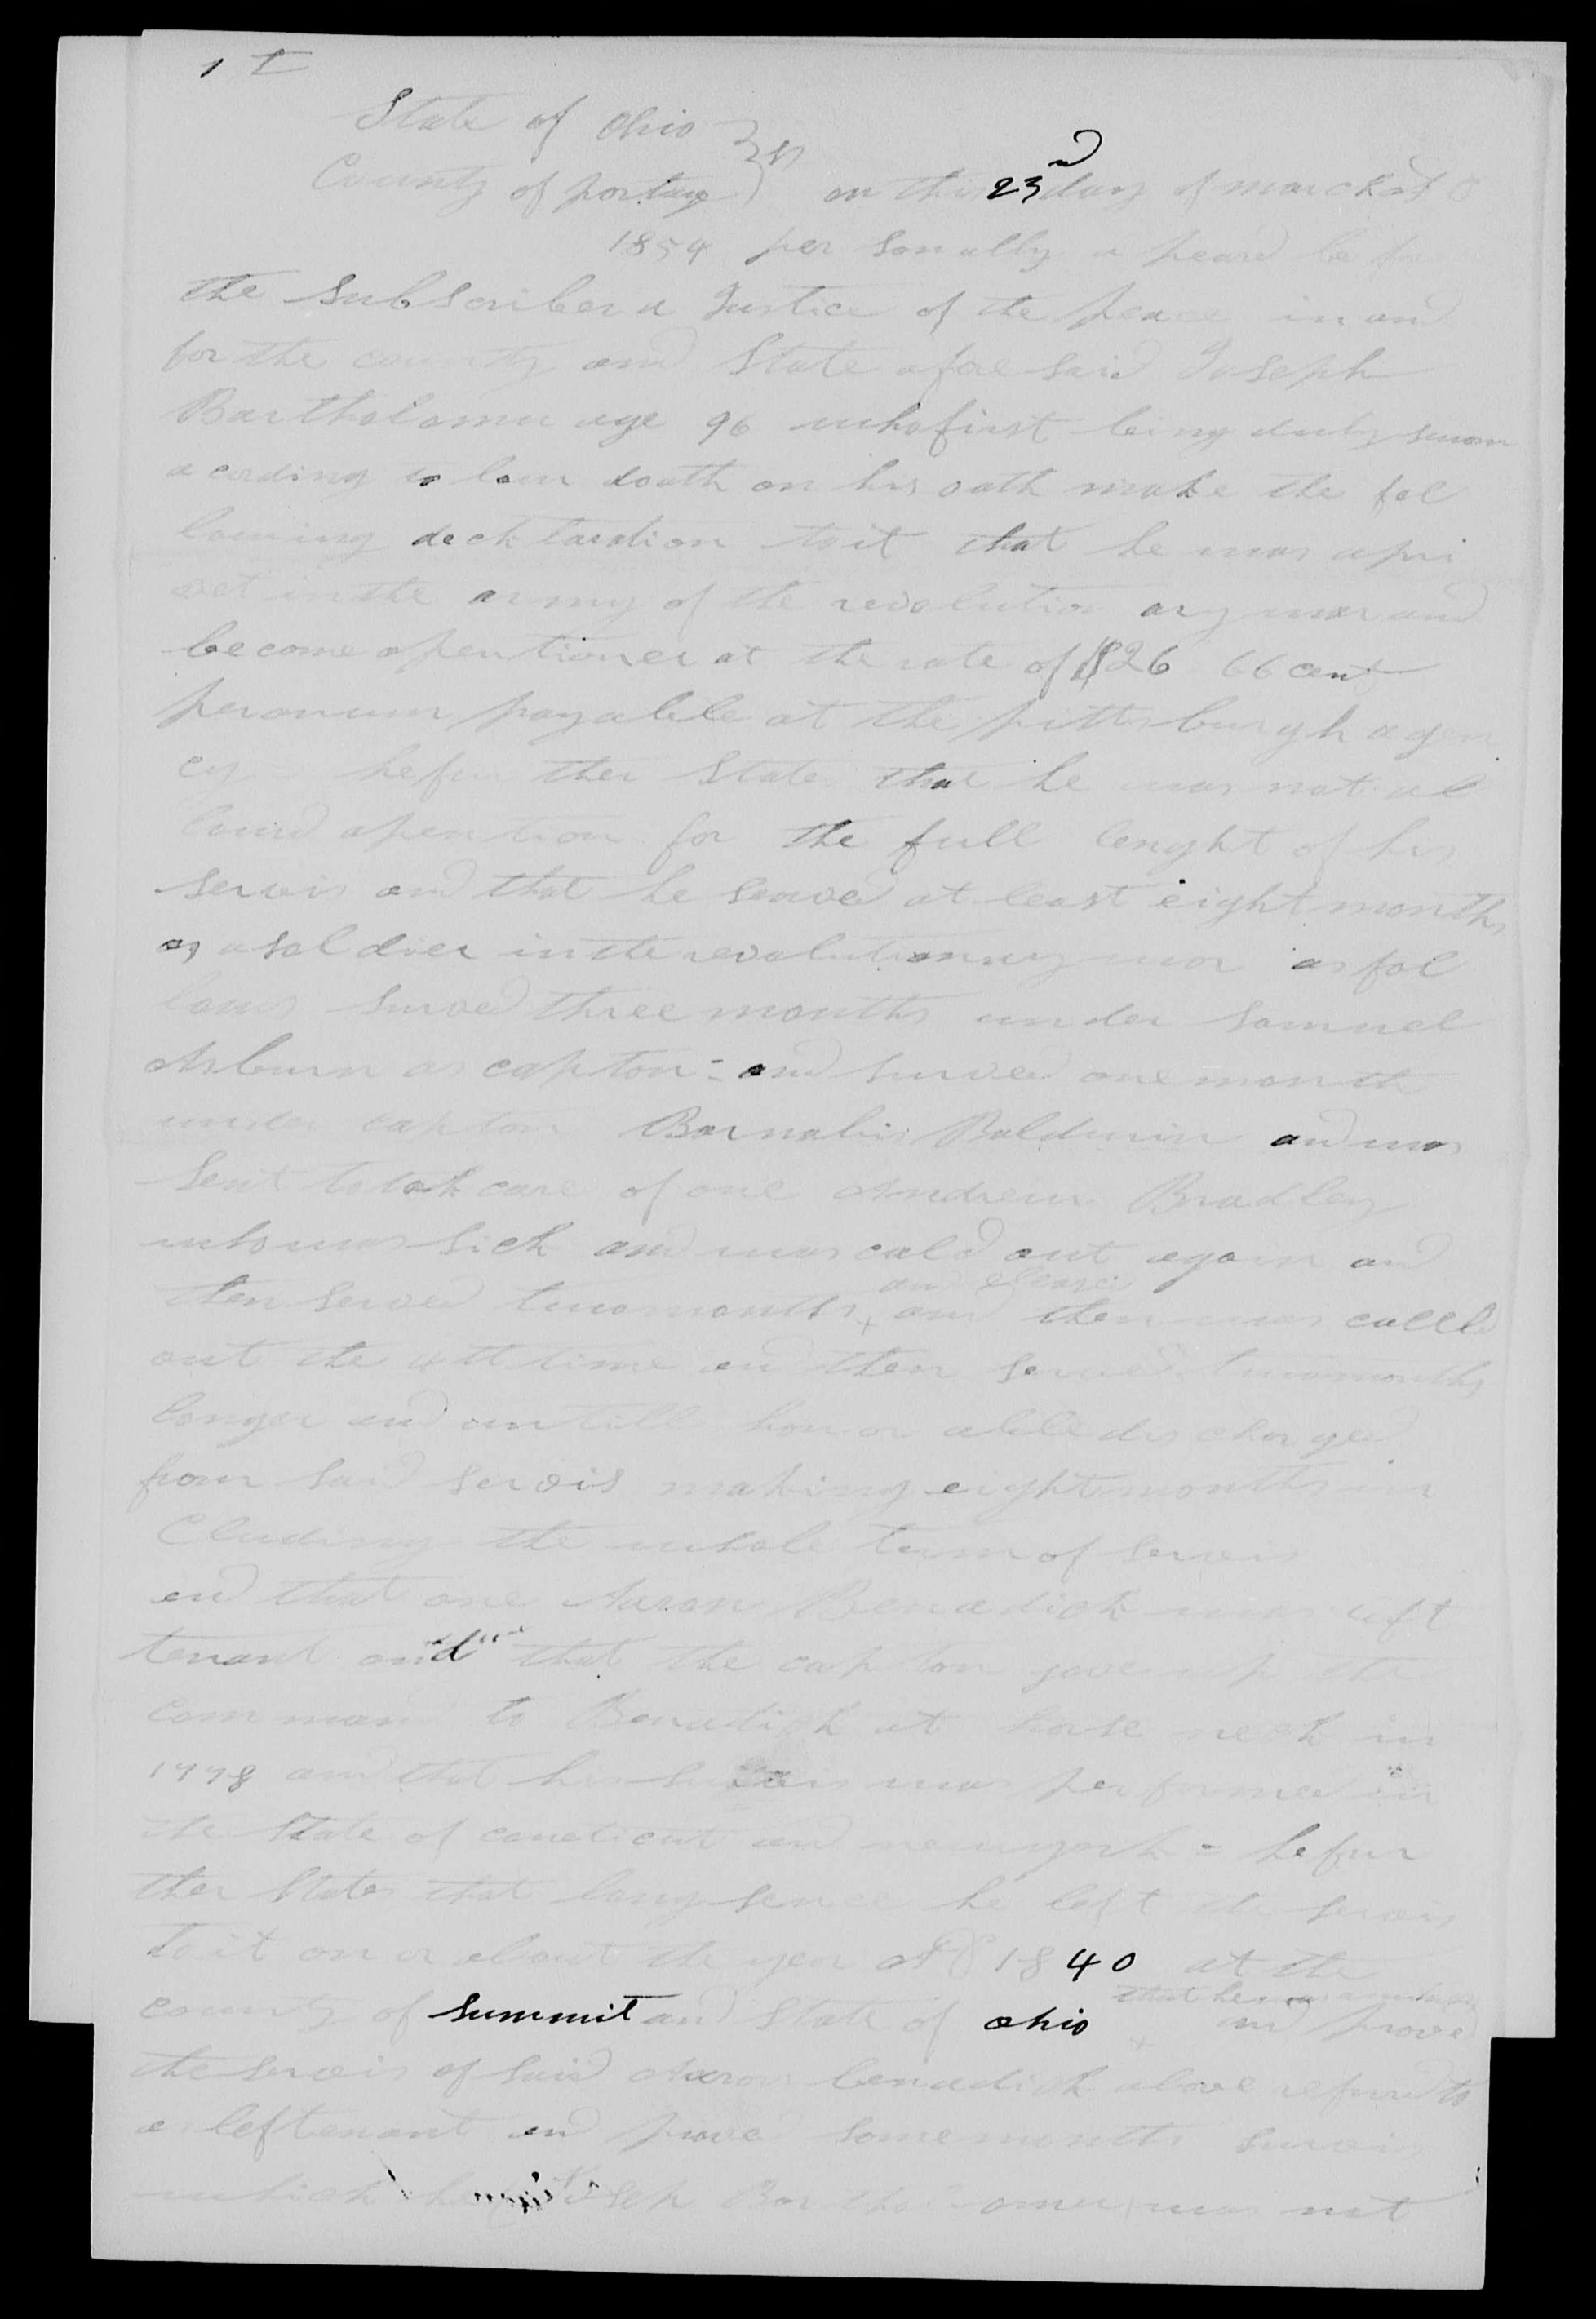State of Ohio
County of Portage on the 23d day of March A D
1854 personally appeared before
the subscriber Justice of the peace in and
for the County and State aforesaid Joseph
Bartholomew age 96 who first being duly sworn
according to law doth on his oath make the fol-
lowing declaration to it that he was a pri-
vate in the army of the revolutionary war and
become a pensioner at the rate of $26 66 cent
per annum payable at the Pittsburgh agency
he further states that he was not allowed
and a pension for the full length of his
Servis and that he served at least eight months
as a soldier in the revolutionary war as fol-
lows served three months under Samuel
Arburn as captain-- and served one month
under Capt Barnabas Baldwin and was
sent to take care of one Andrew Bradley
who was sick and called out again and
then served two months and then was called
out the 4th time and then served two months
longer and untill honorable discharge
from said servis making eight months in
Carding the whole term of service
and that one Aaron Benedict was left
tenant and that the captain gave up the 
command to Benedict at horse neck in
1778 and that his service was performed in
the State of Connecticut and new york he fur-
ther states that many since he left the sevice
to it on or about the year AD 1840 at the
County of Summit and State of Ohio
that he was ???? and proved
.
the servis of said Aaron Bendictt above aforesaid refer to
leftenant and prove some months service over
which he Bouthome not
⎬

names: Summit, Samuel Arburn, Joseph Bartholomew, Andrew Bradley, Barnabas Baldwin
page: 60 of 76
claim: widow's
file: W. 9345, Joseph Bartholomew, Conn.